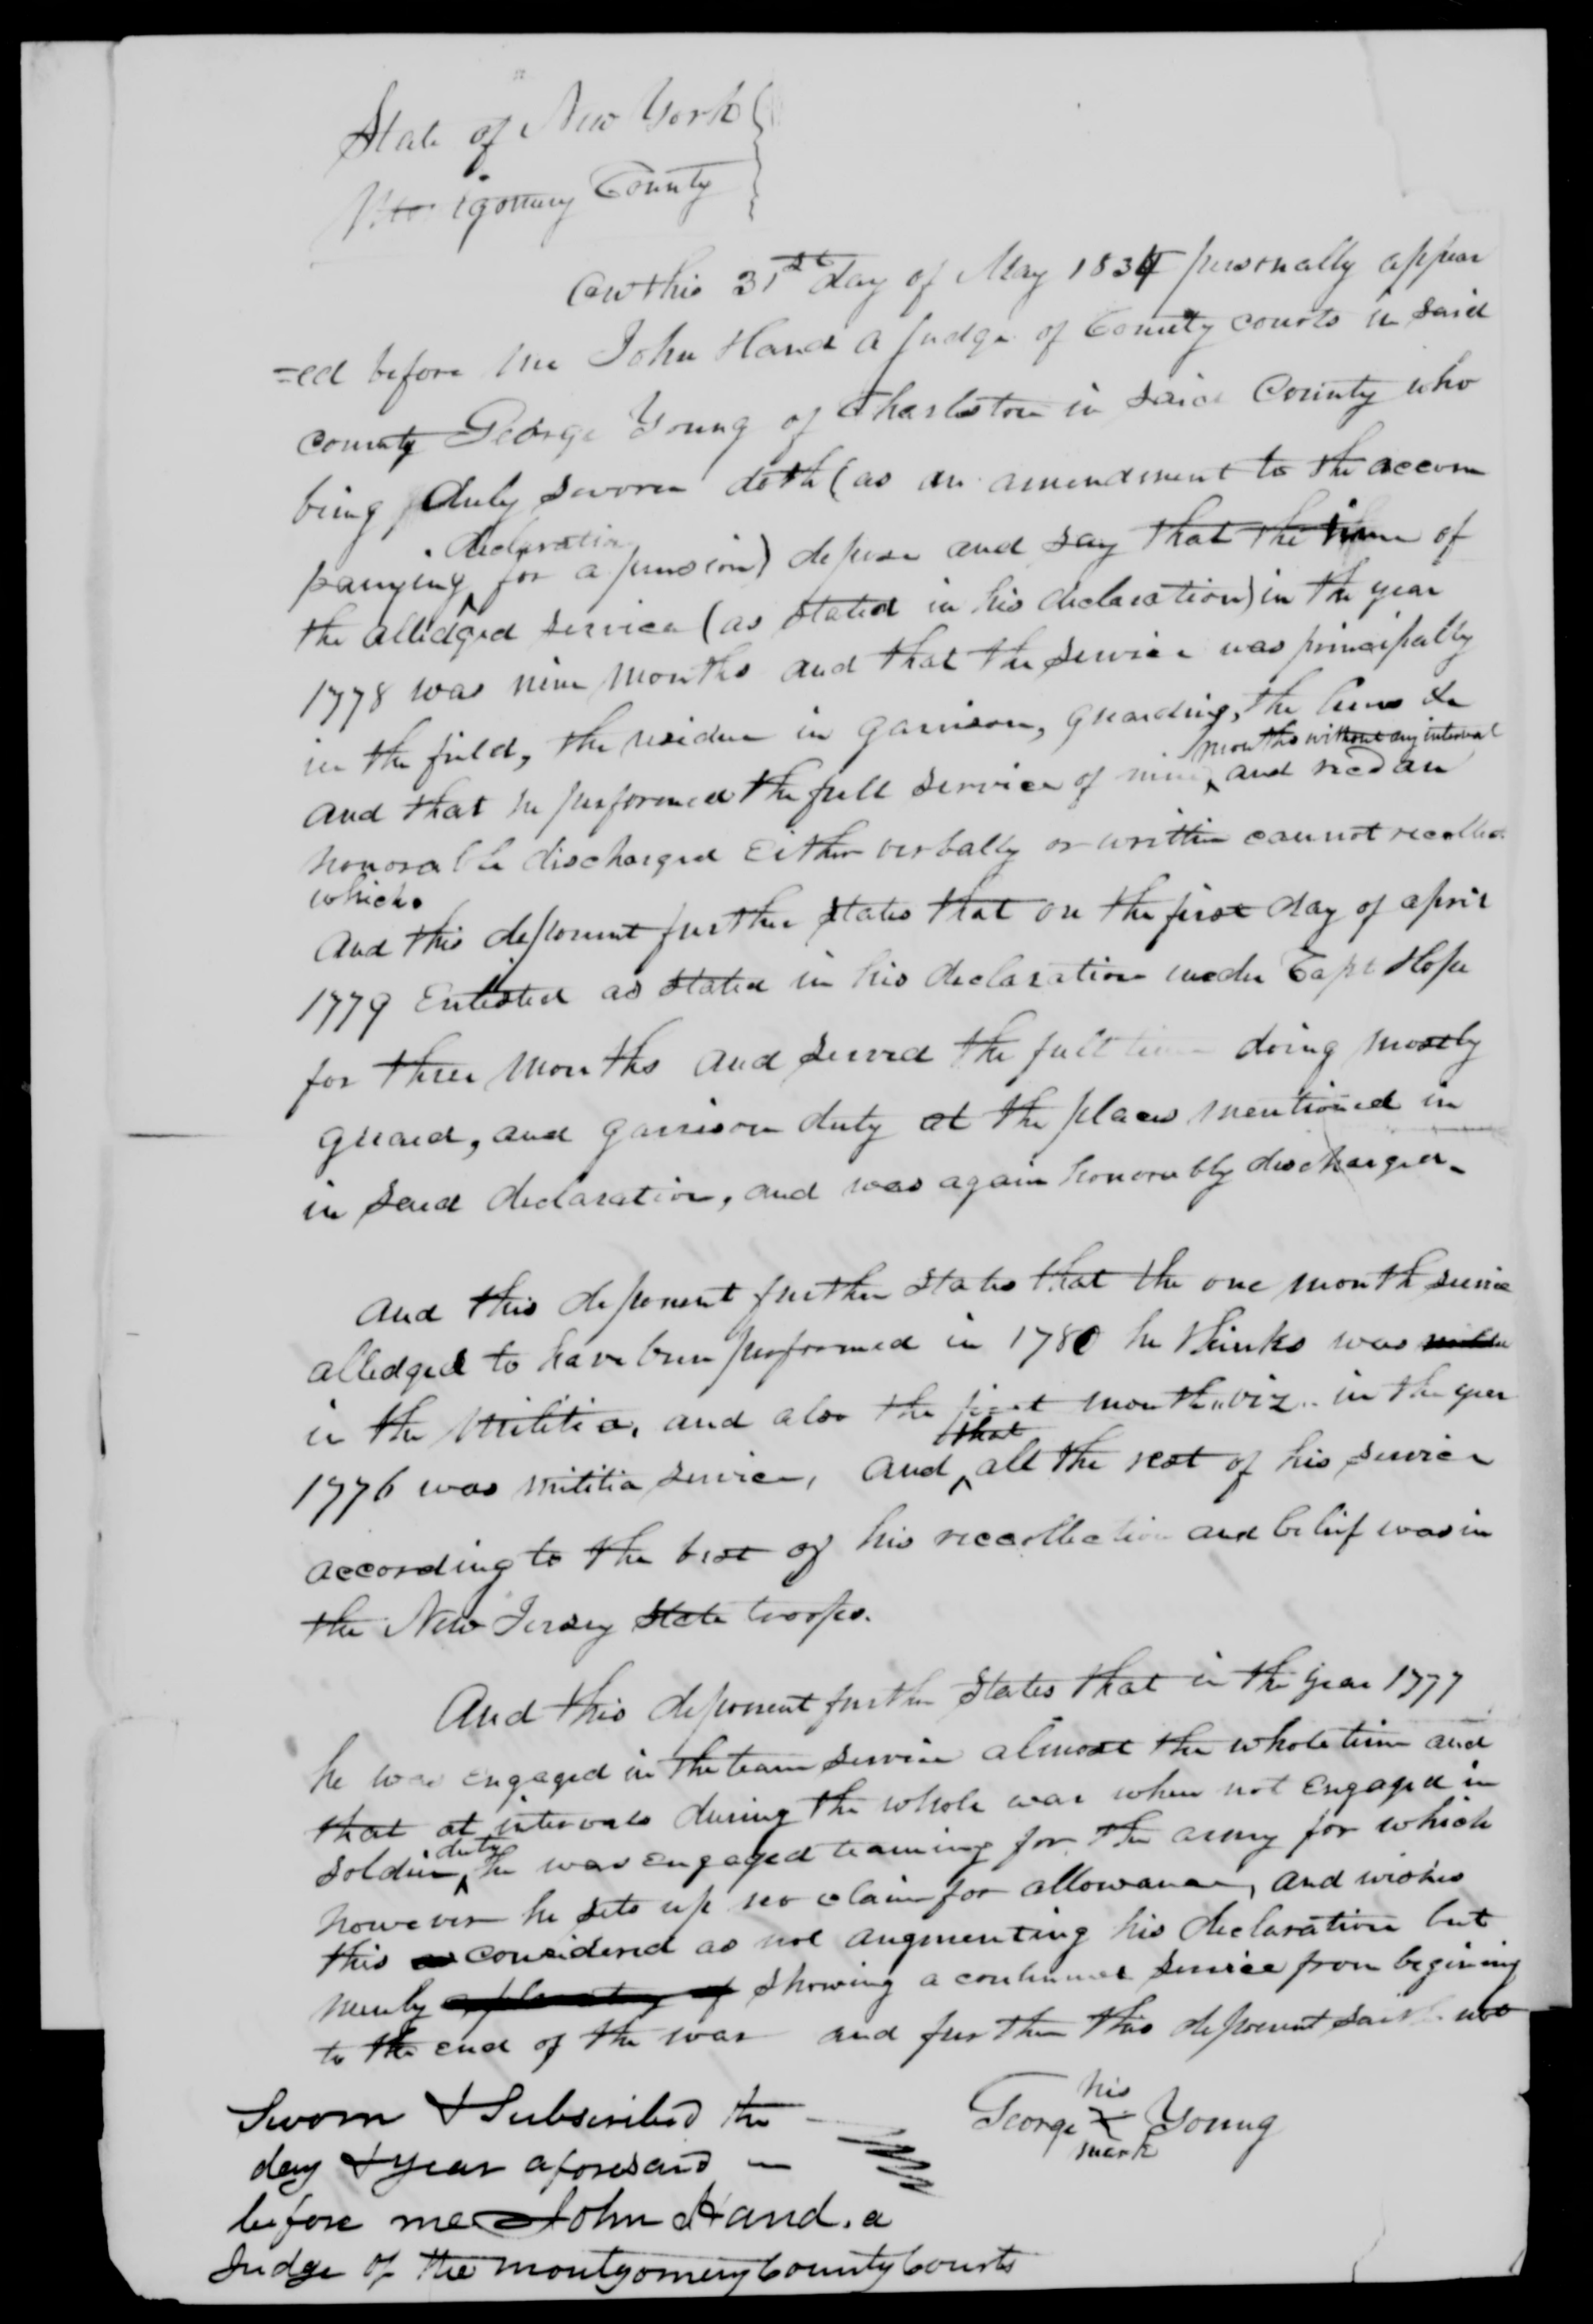State of New York
Mongomary County
on this 31st day of May 1834 personally appear
before the John Hand a Judge of County Courts in said
County George Young of Charlston in said County who
being duly sworn doth as an amendment to the accom
pension) depose and say that the time of
the alleged service as stated in his declaration in the year
1778 was nine months and that the service was principally
in the field, the residence in Garrison,
and that he performed the full service of mine and reed an
honorable discharged either verbally or written cannot recollect
this deponent further states that on the first day of April
1779 Enlisted as stated in his declaration under Capt Hope
for three months and served the full the doing mostly
guard, and garrison duty at the places mentioned in
-
A
in said declaration, and was again honorably discharged
and this deponent further states that the one month sum
alledged to have been performed in 1780 he thinks was
in the militia, and also the first month viz in the year
1776 was militia service, and all the rest of his service
according to the best of his recollection and belief was in
the New Jersey State troops
And this deponent further states that in the year 1777
he was engaged in the team service almost the whole time and
that at intervals during the whole war when not engaged in
soldier he was engaged tearing for the army for which
however he sets up no claim for allowance, and wishes
this considered as not augmenting his declaration but
ment showing a continued service from begining
to the end of the war and further this deponent saith
Sworn & Subscribed the
day & year aforesaid
⎬
before me John Hand, a
George Young
Judge of the Montgomery County Courts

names: John Hand, George Young, Hope, John Hawes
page: 47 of 67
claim: widow's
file: W. 7379, George Young, New Jersey